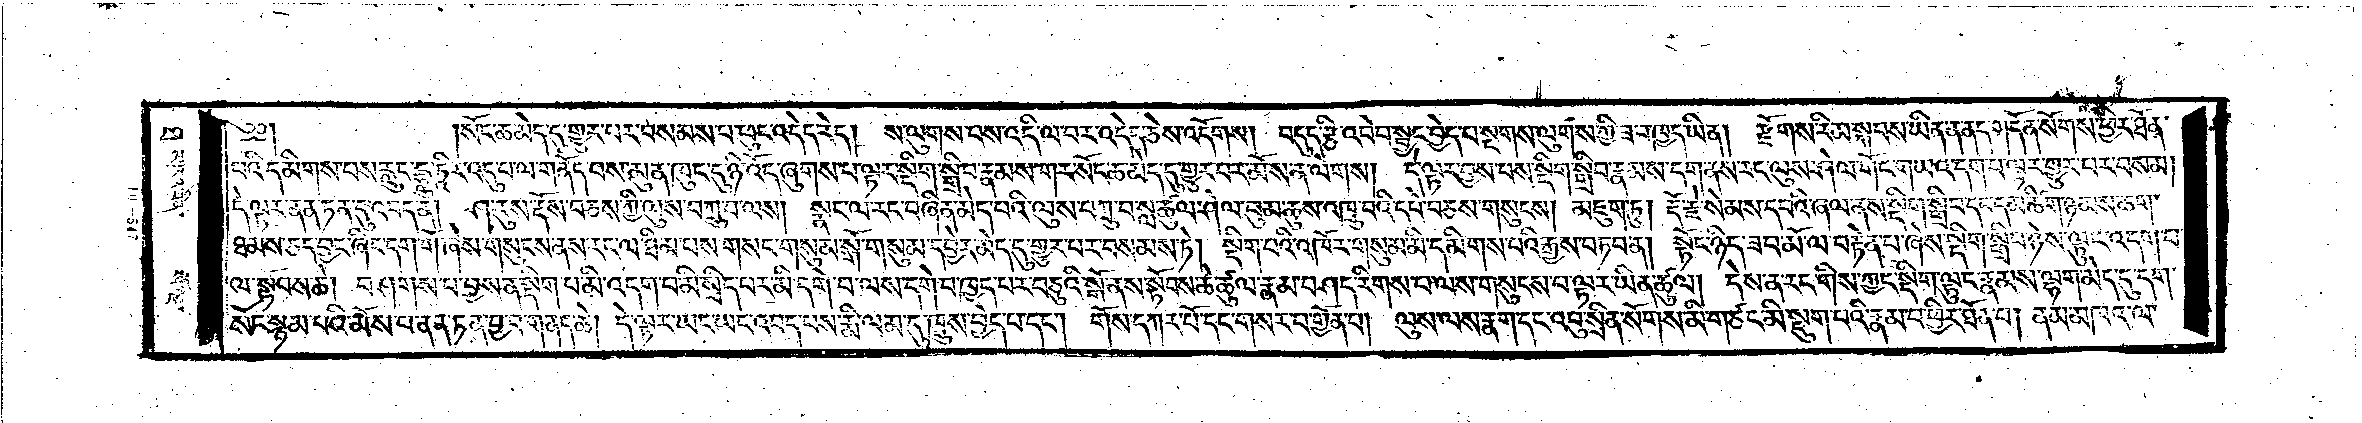༄༅། །སོང་ཆ་མེད་དུ་གྱུར་པར་བསམས་པ་ཕུང་འདེད་རེད། ས་ལུགས་པས་འདི་ལ་བར་འདེད་ཅེས་འདོགས། བདུད་རྩི་འབེབ་སྦྱང་?་བྱེད་པ་སྔགས་ལུགས་ཀྱི་ཟབ་ཁྱད་ཡིན། རྫོགས་རིམ་སྐབས་ཡིན་ན་ནད་གདོན་སོགས་ཕྱིར་ཐོན་
པའི་དམིགས་པས་རླུང་དྷཱུ་ཏཱི་ར་འདུ་བ་ལ་གནོད་པས་མུན་ཁུང་དུ་ཉི་འོད་ཞུགས་པ་ལྟར་སྡིག་སྒྲིབ་རྣམས་གར་སོད་ཆ་མེད་དུ་གྱུར་བར་མོས་ན་ལེགས། དེ་ལྟར་བྱས་པས་སྡིག་སྒྲིབ་རྣམས་དག་ནས་རང་ལུས་ཤེལ་གོང་གཡའ་དག་པ་ལྟར་གྱུར་པར་བསམ།
དེ་ལྟར་ནན་ཏན་དུ་འབད་ན། ཤ་རུས་རྡོས་བཅས་ཀྱི་ལུས་བཀྲུ་བ་ལས། སྣང་ལ་རང་བཞིན་མེད་པའི་ལུས་བཀྲུ་བ་སླ་ཚུལ་ཤེལ་བུམ་ཆུས་འཁྲུ་བའི་དབེ་བཅས་གསུངས། མཇུག་ཏུ། རྡོ་རྗེ་སེམས་དཔའི་ཞལ་ནས་སྡིག་སྒྲིབ་དང་དམ་ཚིག་ཉམས་ཆག་
ཐམས་ཅད་བྱང་ཞིང་དག་གོ་ཞེས་གསུངས་ནས་རང་ལ་ཐིམ་པས་གསང་གསུམ་སྒོ་གསུམ་དབྱེར་མེད་དུ་གྱུར་པར་བསམས་ཏེ། སྡིག་པའི་འཁོར་གསུམ་མི་དམིགས་པའི་རྒྱས་བཏབ་ན། སྟོང་ཉིད་ཟབ་མོ་ལ་བརྟེན་པ་ཞེས་སྡིག་སྒྲིབ་ཉེས་ལྟུང་འདག་པ་
ལ་སྟོབས་ཆེ། བཤགས་པ་བྱས་ན་སྡིག་པ་མི་འདག་པ་མི་སྲིད་པར་མི་དགེ་བ་ལས་དགེ་བ་ཁྱད་པར་བཅུའི་སྒོ་ནས་སྟོབས་ཆེ་ཚུལ་རྣམ་བཤད་རིགས་པ་ལས་གསུངས་པ་ལྟར་ཡིན་ཚུལ། དེས་ན་རང་གིས་ཀྱང་སྡིག་ལྟུང་རྣམས་ལྷག་མེད་དུ་དག་
སོང་སྙམ་པའི་མོས་པ་ནན་ཏན་བྱ་བ་གནད་ཆེ། དེ་ལྟར་ཡང་ཡང་འབད་པས་རྨི་ལམ་དུ་ཁྲུས་བྱེད་པ་དང་། གོས་དཀར་པོ་དང་གསར་བ་གྱོན་པ། ལུས་ལས་རྣག་དང་འབུ་སྲིན་སོགས་མི་གཙང་མི་སྡུག་པའི་རྣམ་པ་ཕྱིར་ཐོན་པ། ནམ་མཁའ་ལ་